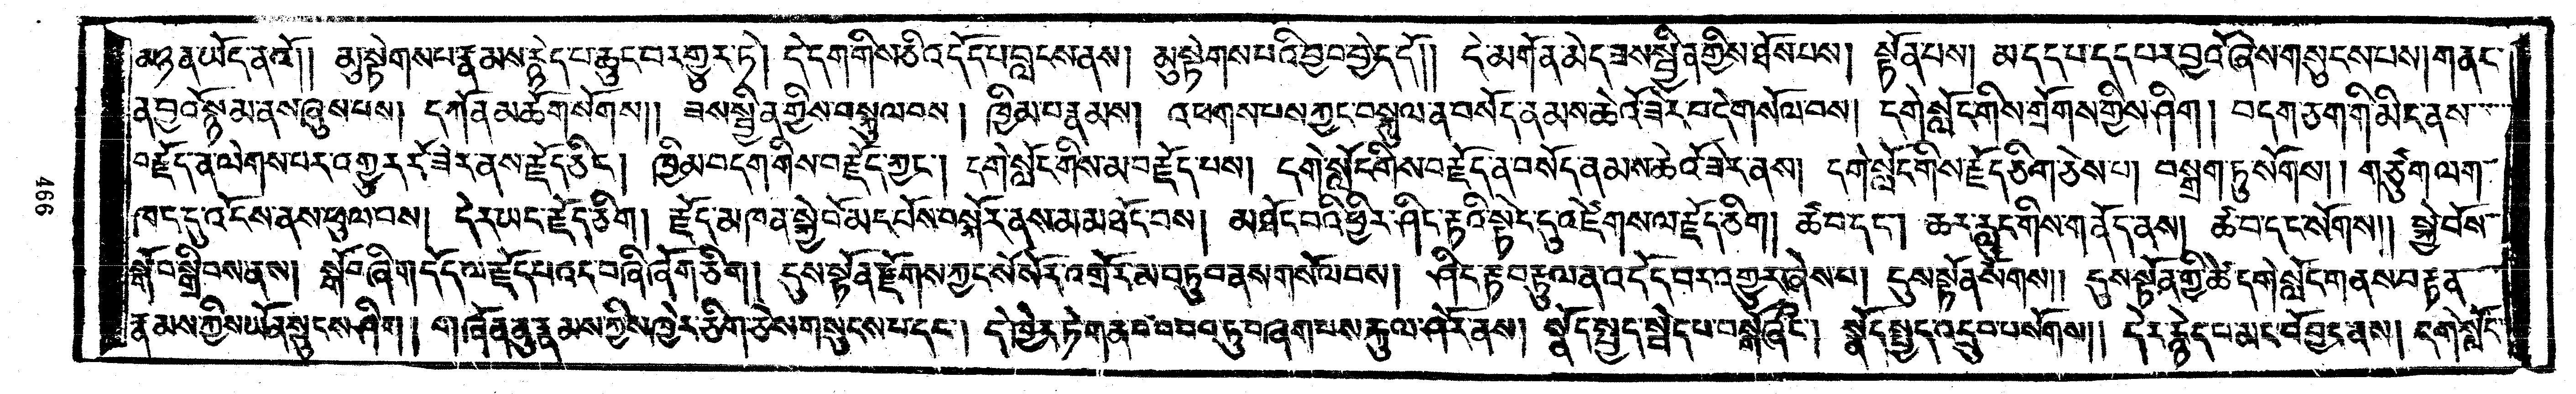མཉན་ཡོད་ནའོ།། མུ་སྟེགས་པ་རྣམས་རྙེད་པ་ཆུང་བར་གྱུར་ཏེ། དེ་དག་གིས་ཅི་འདོད་པ་བླངས་ནས། མུ་སྟེགས་པའི་བྱ་བ་བྱེད་དོ།། དེ་མགོན་མེད་ཟས་སྦྱིན་གྱིས་ཐོས་པས། སྟོན་པས། མ་དད་པ་དད་པར་བྱའོ་ཞེས་གསུངས་པས། གནང་
ན་བྱའོ་སྙམ་ནས་ཞུས་པས། དཀོན་མཆོག་སོགས།། ཟས་སྦྱིན་གྱིས་བསྐུལ་བས། ཁྱིམ་པ་རྣམས། འཕགས་པས་ཀྱང་བསྐུལ་ན་བསོད་ནམས་ཆེའོ་ཟེར་བདེ་གསོལ་བས། དགེ་སློང་གིས་གྲོགས་གྱིས་ཤིག། བདག་ཅག་གི་མིང་ནས་
བརྗོད་ན་ལེགས་པར་འགྱུར་རོ་ཟེར་ནས་རྗོད་ཅིང་། ཁྱིམ་བདག་གིས་བརྗོད་ཀྱང་། དགེ་སློང་གིས་མ་བརྗོད་པས། དགེ་སློང་གིས་བརྗོད་ན་བསོད་ནམས་ཆེའོ་ཟེར་ནས། དགེ་སློང་གིས་རྗོད་ཅིག་ཅེས་པ། བསྒྲག་ཏུ་སོགས།། གཙུག་ལག་
ཁང་དུ་འོངས་ནས་ཕུལ་བས། དེར་ཡང་རྗོད་ཅིག། རྗོད་མཁན་སྐྱེ་བོ་མང་པོས་བསྐོར་ནས་མ་མཐོང་བས། མཐོང་བའི་ཕྱིར་ཤིང་རྟའི་སྟེང་དུ་འཛེགས་ལ་རྗོད་ཅིག། ཚ་བ་དང་། ཆར་རླུང་གིས་གནོད་ནས། ཚ་བ་དང་སོགས།། སྐྱེ་བོས་
སྒོ་བསྒྲིབས་ནས། སྒོབ་ཞིག་དོད་ལ་རྗོད་པའང་བཞི་ཞོག་ཅིག། དུས་སྟོན་རྫོགས་ཀྱང་སོ་སོར་འགྲོར་མ་བཏུབ་ནས་གསོལ་བས། ཤིང་རྟ་བརྟུལ་ན་འདོད་བར་འགྱུར་ཞེས་པ། དུས་སྟོན་སོགས།། དུས་སྟོན་གྱི་ཚེ་དགེ་སློང་གནས་བརྟན་
རྣམས་ཀྱིས་ཡོན་སྲུངས་ཤིག། གཞོན་ནུ་རྣམས་ཀྱིས་ཁྱེར་ཅིག་ཅེས་གསུངས་པ་དང་། དེ་ཁྱེར་ཏེ་གནབ་བབ་ཏུ་བཞག་པས་རྐུལ་ཤོར་ནས། སྣོད་སྤྱད་སྦེད་པ་བསྒོ་ཞིང་། སྣོད་སྤྱད་འདྲུབ་པ་སོགས།། དེར་རྙེད་པ་མང་པོ་བྱང་ནས། དགེ་སློང་